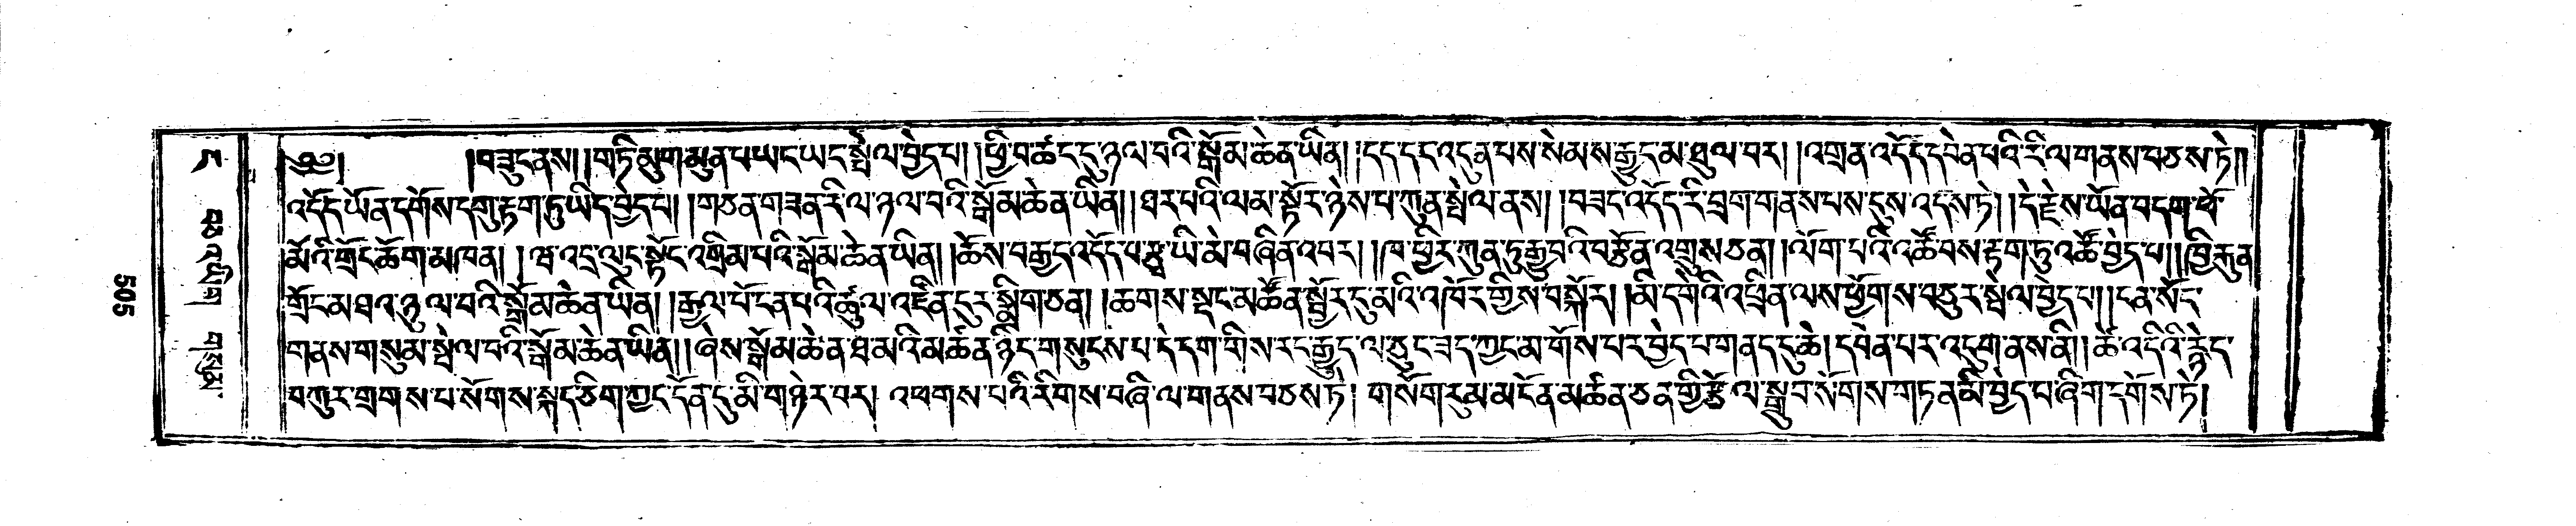༄༅། །བཟུང་ནས། །གཏི་མུག་མུན་པ་ཡང་ཡང་སྤེལ་བྱེད་པ། །ཕྱི་བ་ཆང་དུ་ཉལ་བའི་སྒོམ་ཆེན་ཡིན། །དད་དང་འདུན་པས་སེམས་རྒྱུད་མ་ཐུལ་བར། །འགྲན་འདོད་དབེན་པའི་རི་ལ་གནས་བཅས་ཏེ། །
འདོད་ཡོན་དགོས་དགུ་རྟག་ཏུ་ཡིད་བྱེད་པ། །གཅན་གཟན་རི་ལ་ཉལ་བའི་སྒོམ་ཆེན་ཡིན། །ཐར་པའི་ལམ་སྟོར་ཉེས་པ་ཀུན་སྤེལ་ནས། །བཟང་འདོད་རི་བྲག་གནས་པས་དུས་འདས་ཏེ། །དེ་རྗེས་ཡོན་བདག་ཕོ་
མོའི་གྲོང་ཆོག་མཁན། །ཝ་འདྲ་ལུང་སྟོང་འགྲིམ་པའི་སྒོམ་ཆེན་ཡིན། །ཆོས་བརྒྱད་འདོད་པ་རྩྭ་ཡི་མེ་བཞིན་འབར། །ཁ་ཕྱིར་ཀུན་ཏུ་རྒྱུ་བའི་བརྩོན་འགྲུས་ཅན། །ལོག་པའི་འཚོ་བས་རྟག་ཏུ་འཚོ་བྱེད་པ། །ཁྱི་རྐུན་
གྲོང་མཐའ་ཉུལ་བའི་སྒོམ་ཆེན་ཡིན། །རྒྱལ་པོ་ངན་པའི་ཚུལ་འཛིན་ངུར་སྨྲིག་ཅན། །ཆགས་སྡང་མཚོན་སྦྱོར་དུ་མའི་འཁོར་གྱིས་བསྐོར། །མི་དགེའི་འཕྲིན་ལས་ཕྱོགས་བཅུར་སྤེལ་བྱེད་པ། །ངན་སོང་
གནས་གསུམ་སྤེལ་བའི་སྒོམ་ཆེན་ཡིན། །ཞེས་སྒོམ་ཆེན་ཐ་མའི་མཚན་ཉིད་གསུངས་པ་དེ་དག་གིས་རང་རྒྱུད་ལ་ཅུང་ཟད་ཀྱང་མ་གོས་པར་བྱེད་པ་གནད་དུ་ཆེ། དབེན་པར་འདུག་ནས་ནི། །ཚེ་འདིའི་རྙེད་
བཀུར་གྲགས་པ་སོགས་སྐད་ཅིག་ཀྱང་དོན་དུ་མི་གཉེར་བར། འཕགས་པའི་རིགས་བཞི་ལ་གནས་བཅས་ཏེ། གསོག་རུམ་མངོན་མཚན་ཅན་གྱི་རྩོལ་སྒྲུབ་སོགས་གཏན་མི་བྱེད་པ་ཞིག་དགོས་ཏེ།